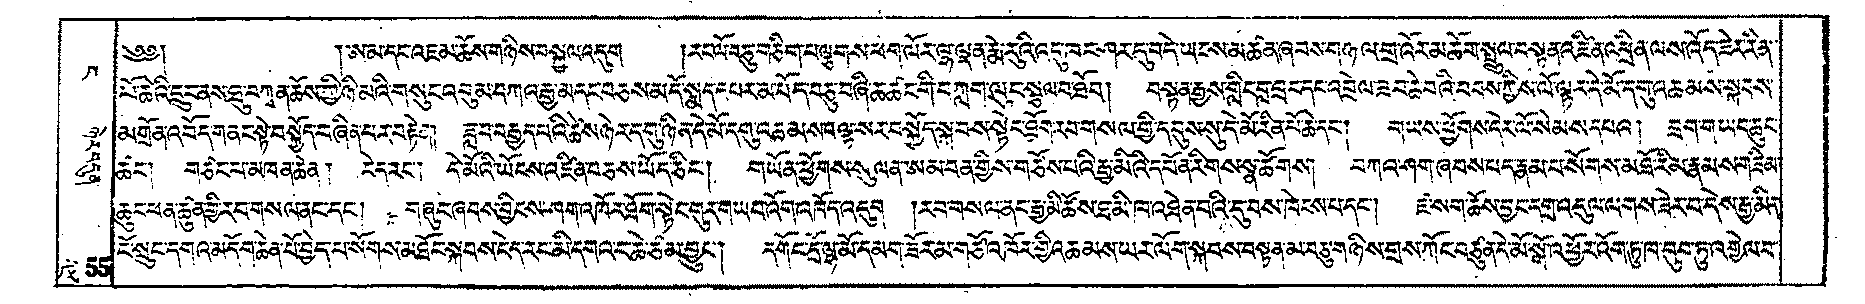༄༅། །ཨ་མ་དང་འཇམ་ཆོས་གཉིས་བསྐྱལ་འདུག །རང་ལོ་བཅུ་གཅིག་པ་ལྕགས་ཕག་ལོར་ལྷ་ལྡན་རྨེ་རུའི་འདུ་ཁང་ཤར་དུ་བདེ་ཡངས་མཚན་ཞབས་གཉལ་གྲ་འོར་མཆོག་སྤྲུལ་བསྟན་འཛིན་འཕྲིན་ལས་འོད་ཟེར་རིན་
པོ་ཆེའི་དྲུང་ནས་ཐུ་བཀྭན་ཆོས་ཀྱི་ཉི་མའི་གསུང་འབུམ་བཀའ་རྒྱ་མ་དང་བཅས་མདོ་སྨད་དཔར་མ་པོད་བཅུ་བཞི་ཆ་ཚང་གི་བཀླག་ལུང་སྩལ་བ་ཐོབ། བསྟན་རྒྱས་གླིང་བླ་བྲང་དང་འབྲེལ་ཟབ་ཆེ་བའི་བབས་ཀྱིས་ལོ་ལྟར་དེ་མོ་དགུ་འཆམས་སྐབས་
མགྲོན་འབོད་གནང་སྟེ་བསྐྱོད་བཞིན་པར་བརྟེན། ཟླ་བ་བརྒྱད་པའི་ཚེས་ཉེར་དགུ་ཉིན་དེ་མོ་དགུ་འཆམས་བལྟ་སར་བསྐྱོད་སྐབས་སྟེང་ཐོག་རབ་གསལ་གྱི་དབུས་སུ་དེ་མོ་རིན་པོ་ཆེ་དང་། གཡས་ཕྱོགས་དེར་ལོ་སེམས་དཔའ། བྲག་གཡབ་ཆུང་
ཚང་། གཙང་པ་མཁན་ཆེན། ངེད་རང་། དེ་མོའི་ཡོངས་འཛིན་བཅས་ཡོད་ཅིང་། གཡོན་ཕྱོགས་སུ་ལན་ཨམ་བན་གྱིས་གཙོས་པའི་རྒྱ་མིའི་དཔོན་རིགས་སྣ་ཚོགས། བཀའ་ཤག་ཞབས་པད་རྣམ་པ་སོགས་མཐོ་རིམ་རྣམས་གཟིམ་
ཆུང་ཕན་ཚུན་གྱི་རབ་གསལ་ནང་དང་། གཞུང་ཞབས་བྱིངས་ཤག་འཁོར་ཐོག་སྟེང་གུར་གཡབ་འོག་འཁོད་འདུག །རབ་གསལ་ནང་རྒྱ་མི་ཚོས་ཐ་མི་ཁ་འཐེན་པའི་དུ་བས་ཁེངས་པ་དང་། ཛ་སག་ཆོས་བྱང་དགྲ་འདུལ་ལགས་ཟེར་བ་དེས་རྒྱ་མིར་
ངོ་སྲུང་དགའ་མདོག་ཆེན་པོ་བྱེད་པ་སོགས་མཐོང་སྐབས་ངེད་རང་མི་དགའ་བ་ཆེ་ཙམ་བྱུང་། དགོང་དྲོ་ལྷ་མོ་དམག་ཟོར་མ་གཙོ་འཁོར་གྱི་འཆམས་ཡར་ལོག་སྐབས་བསྟན་མ་བཅུ་གཉིས་གྲས་ཀོང་བཙུན་དེ་མོ་སྒོ་འཕྱོར་འོག་ཏུ་ཁ་བུབ་ཏུ་འགྱེལ་བ་